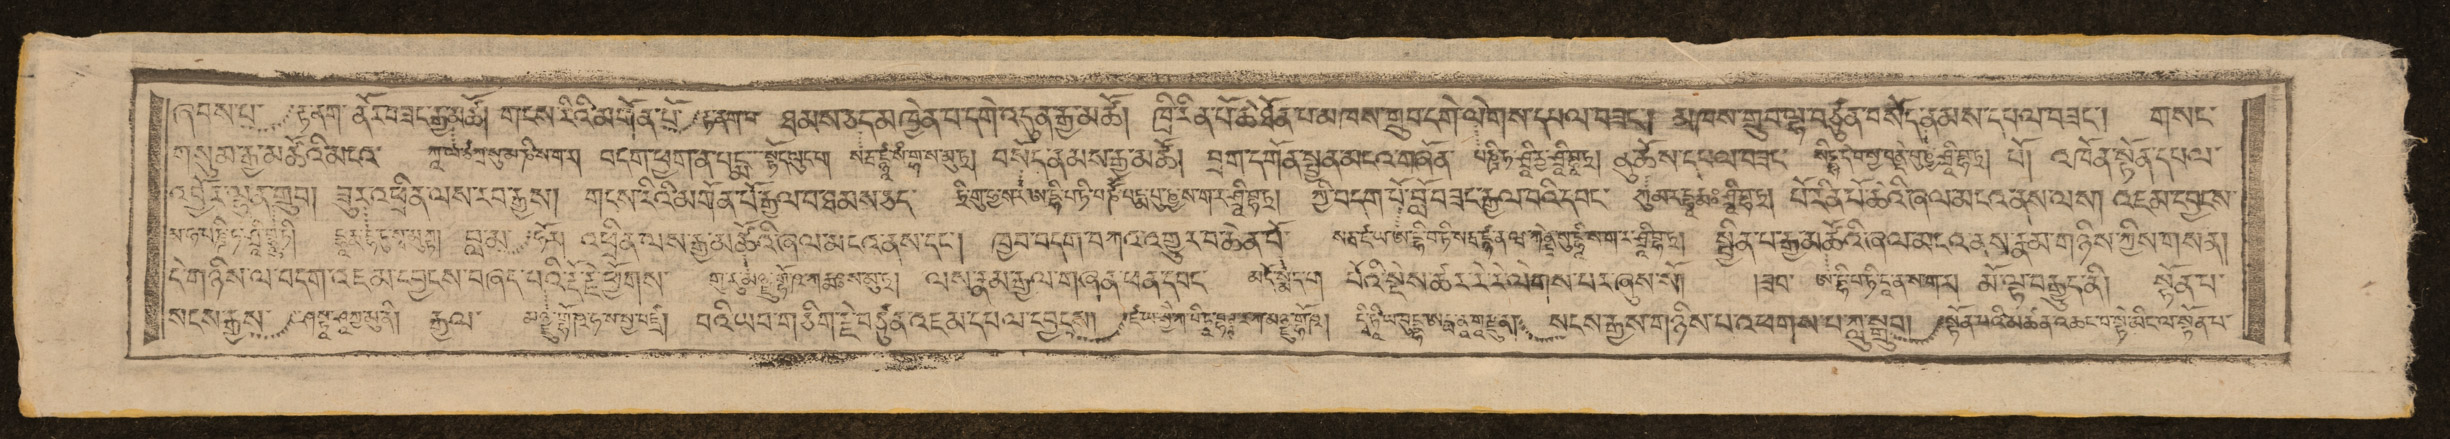ཞབས་པ་རྟ་ནག་ནོར་བཟང་རྒྱ་མཚོ། གངས་རིའི་མགོན་པོ་རྟ་ནག་པ་ཐམས་ཅད་མཁྱེན་པ་དགེ་འདུན་རྒྱ་མཚོ། ཁྲི་རིན་པོ་ཆེ་ཐོབ་པ་མཁས་གྲུབ་དགེ་ལེགས་དཔལ་བཟང་། མཁས་གྲུབ་ལྷ་བཙུན་བསོད་ནམས་དཔལ་བཟང་། གསང་
གསུམ་རྒྱ་མཚོའི་མངའ་ཀཱ་ལ་ཙ་ཀྲ་སུ་མ་ཎི་ས་ག་ར། བདག་ཕྱག་ན་པདམ་སྟོད་ལུང་པ། སརྦ་ཛྙཱ་སཾ་གྷ་ས་མུ་ཏྲ། བསོད་ནམས་རྒྱ་མཚོ། བྲག་དགོན་སྤྱན་མངའ་གཞོན་པཎྜི་ཏ་ཤྲཱི་རྱ་ཤྲཱི་བྷཱ་ཏྲ། ནུ་ཆོས་དཔལ་བཟང་། སིདྡྷི་དེ་བ་སྱ་བནྡེ་པུ་ཎྱ་ཤྲཱི་བྷ་ཏྲ། པོ། འཁོན་སྟོན་དཔལ་
འབྱོར་ལྷུན་གྲུབ། ཟུར་འཕྲིན་ལས་རབ་རྒྱས། གངས་རིའི་མགོན་པོ་རྒྱལ་བ་ཐམས་ཅད་ཏྲི་གུ་ཧྱ་སར་ཨ་དྷི་པ་ཏི་པ་ཎཽ་པདམ་པུ་ནྱ་ས་གར་ཤྲཱི་བྷ་ཏྲ། ཀྱི་བདག་པོ་བློ་བཟང་རྒྱལ་བའི་དབང་ཀུ་མར་དྷཱརྨཿ ཤྲཱི་བྷ་ཏྲ། པོ་རིན་པོ་ཆེའི་ཞལ་མངའ་ནས་ལས། འཇམ་དབྱངས་
མ་ཧ་པཎྜི་ཏ་ཤྲཱི་བྷཱུ་ཏི། དྷརྨ་དྷ་ཏུ་སྤ་མུཀྟ། བླ་མ་ཧོར། འཕྲིན་ལས་རྒྱ་མཚོའི་ཞལ་མངའ་ནས་དང་། ཁྱབ་བདག་བཀའ་འགྱུར་བ་ཆེན་པོ། སརྦ་ཡ་ཨ་དྷི་བ་ཏི་སརྭ་ཛྙ་ན་ཝ་ཀེནྟྲ་སུདྡྷི་ས་ག་ར་ཤྲཱི་བྷ་ཏྲ། སྦྱིན་པ་རྒྱ་མཚོའི་ཞལ་མངའ་ནས་རྣམ་གཉིས་ཀྱིས་གསན།
དེ་གཉིས་ལ་བདག་འཇམ་དབྱངས་བཞད་པའི་རྡོ་རྗེ་ཕྱོགས་གུ་རུ་མཉྫུ་གྷོ་ཥ་ཀརྨཿ ས་མུ་ཏྲ། ལས་རྣམ་རྒྱལ་གཞན་ཕན་དབང་མདོ་སྨད་པ། པོའི་སྡེས་ཚར་རེ་རེ་ལེགས་པར་ཞུས་སོ། །ཟབ་ཨ་དྷི་པ་ཏི་དྷཱ་ན་ས་ག་ར། མོ་ལྟ་བརྒྱུད་ནི། སྟོན་པ་
སངས་རྒྱས་ཤསྟཱ་ཤཱཀྱ་མུ་ནི། རྒྱལ་མཉྫུ་གྷོ་ཥ་ཧ་ས་སྱ་བཛྲ། བའི་ཡབ་གཅིག་རྗེ་བཙུན་འཇམ་དཔལ་དབྱངས། ཛ་ལ་སྱཻ་ཀ་པི་ཏཱ་བྷ་ཊྚ་ར་ཀ་མཉྫུ་གྷོ་ཥ། དྭི་ཏཱི་ཡ་བུདྡྷ་ཨརྱ་ནཱ་གཱ་རྫུན། སངས་རྒྱས་གཉིས་པ་འཕགས་པ་ཀླུ་སྒྲུབ། སྟོན་པའི་མཚན་འཆང་བ་སྟེ་མིང་ལ་སྟོན་པ་